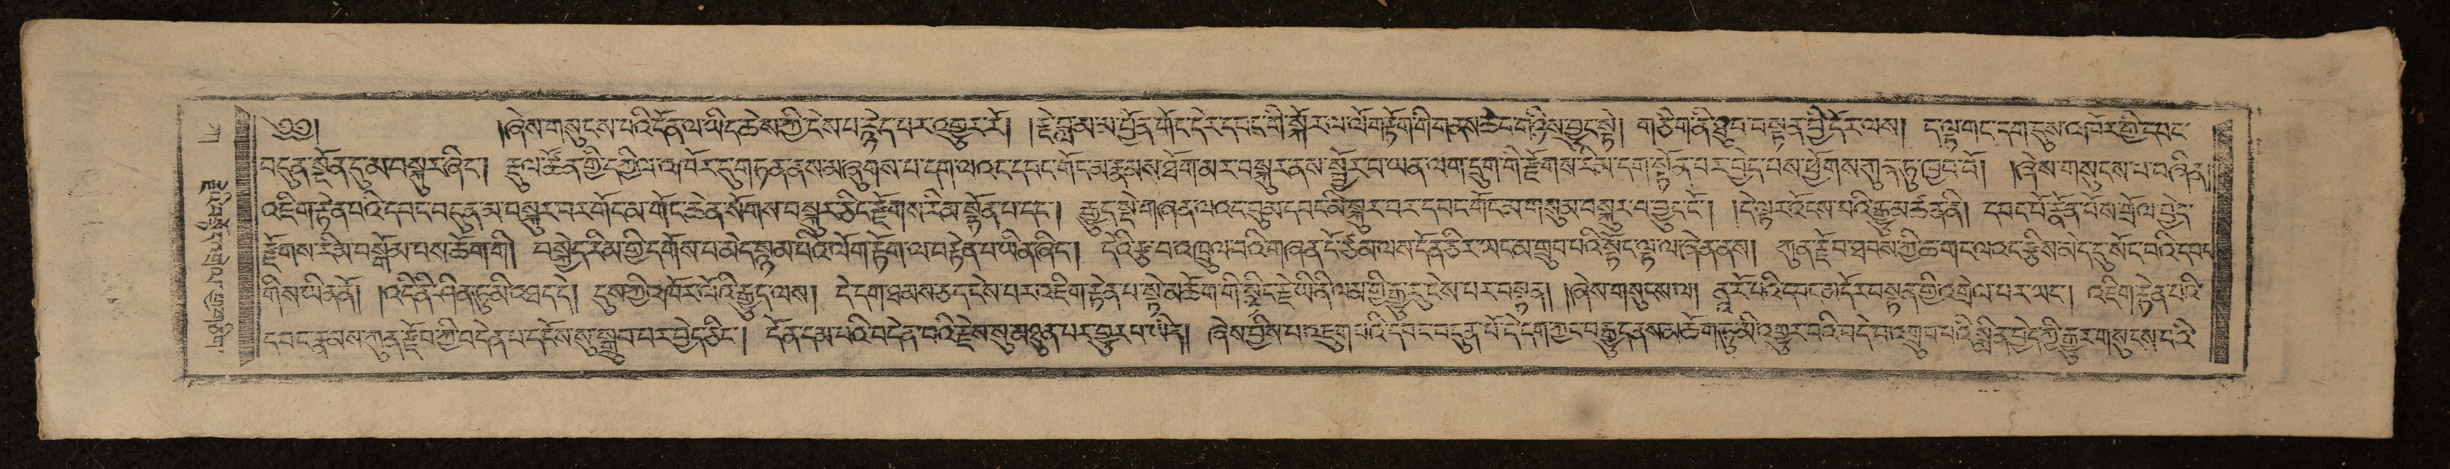༄༅། །ཞེས་གསུངས་པའི་དོན་ལ་ཡིད་ཆེས་ཀྱི་ངེས་པ་རྙེད་བར་འགྱུར་རོ། །རྗེ་བླ་མ་མ་བྱོན་གོང་དེར་དབང་གི་སྐོར་ལ་ལོག་རྟོག་གི་གནས་ཆེ་བ་གཉིས་བྱང་སྟེ། གཅིག་ནི་ཐུབ་བསྟན་བྱི་དོར་ལས། ད་ལྟ་གང་དག་དུས་འཁོར་གྱི་དབང་
བདུན་སྔོན་དུ་མ་བསྐུར་ཞིང་། རྡུལ་ཚོན་གྱི་དཀྱིལ་འཁོར་དུ་གཏན་ནས་མ་ཞུགས་པ་དག་ལའང་དབང་གོང་མ་རྣམས་ཐོག་མར་བསྐུར་ནས་སྦྱོར་བ་ཡན་ལག་དྲུག་གི་རྫོགས་རིམ་དག་སྟོན་པར་བྱེད་པས་ཕྱོགས་ཀུན་ཏུ་ཁྱབ་བོ། །ཞེས་གསུངས་པ་བཞིན།
འཇིག་རྟེན་པའི་དབང་བདུན་མ་བསྐུར་བར་གོང་མ་གོང་ཆེན་སོགས་བསྐུར་ཅིང་རྫོགས་རིམ་སྟོན་པ་དང་། རྒྱུད་སྡེ་གཞན་ལའང་བུམ་དབང་མི་སྐུར་བར་དབང་གོང་མ་གསུམ་བསྐུར་བ་བྱུང་ངོ། །དེ་ལྟར་འོངས་པའི་རྒྱུ་མཚན་ནི། དབང་པོ་རྣོན་པོས་གྲོལ་བྱེད་
རྫོགས་རིམ་བསྒོམ་པས་ཆོག་གི། བསྐྱེད་རིམ་གྱི་དགོས་པ་མེད་སྙམ་པའི་ལོག་རྟོག་ལ་བརྟེན་པ་ཡིན་ཞིང་། དེའི་རྩ་བ་འཁྲུལ་པའི་གཞན་ངོ་ཙམ་ལས་དོན་ཅིར་ཡང་མ་གྲུབ་པའི་སྟོང་ལྟ་ལ་ཞེན་ནས། ཀུན་རྫོབ་ཐབས?་ཀྱི་ཆ་གང་ལའང་རྩིས་མེད་དུ་སོང་བའི་དབང་
གིས་ཡིན་ནོ། །འདི་ནི་ཤིན་ཏུ་མི་འཐད་དེ། དུས་ཀྱི་འཁོར་ལོའི་རྒྱུད་ལས། དེ་དག་ཐམས་ཅད་ངེས་བར་འཇིག་རྟེན་པ་སྟེ་མཆོག་གི་སྙིང་རྗེ་ཡིན་ལམ་གྱི་རྒྱུ་རུ་ངེས་པར་བསྟན། །ཞེས་གསུངས་ལ། ནཱ་རོ་པའི་དབང་མདོར་བསྟན་གྱི་འགྲེལ་པར་ཡང་། འཇིག་རྟེན་པའི་
དབང་རྣམས་ཀུན་རྫོབ་ཀྱི་བདེན་པ་དངོས་སུ་སྒྲུབ་པར་བྱེད་ཅིང་། དོན་དམ་པའི་བདེན་པའི་རྗེས་སུ་མཐུན་པར་གྱུར་པ་ཡིན། ཞེས་བྱིས་པ་འཇུག་པའི་དབང་བདུན་པོ་དེ་དག་ཀྱང་བརྒྱུད་ནས་མཆོག་ཏུ་མི་འགྱུར་པའི་བདེ་བ་འགྲུབ་པའི་སྨིན་བྱེད་ཀྱི་རྒྱུར་གསུངས་པའི་